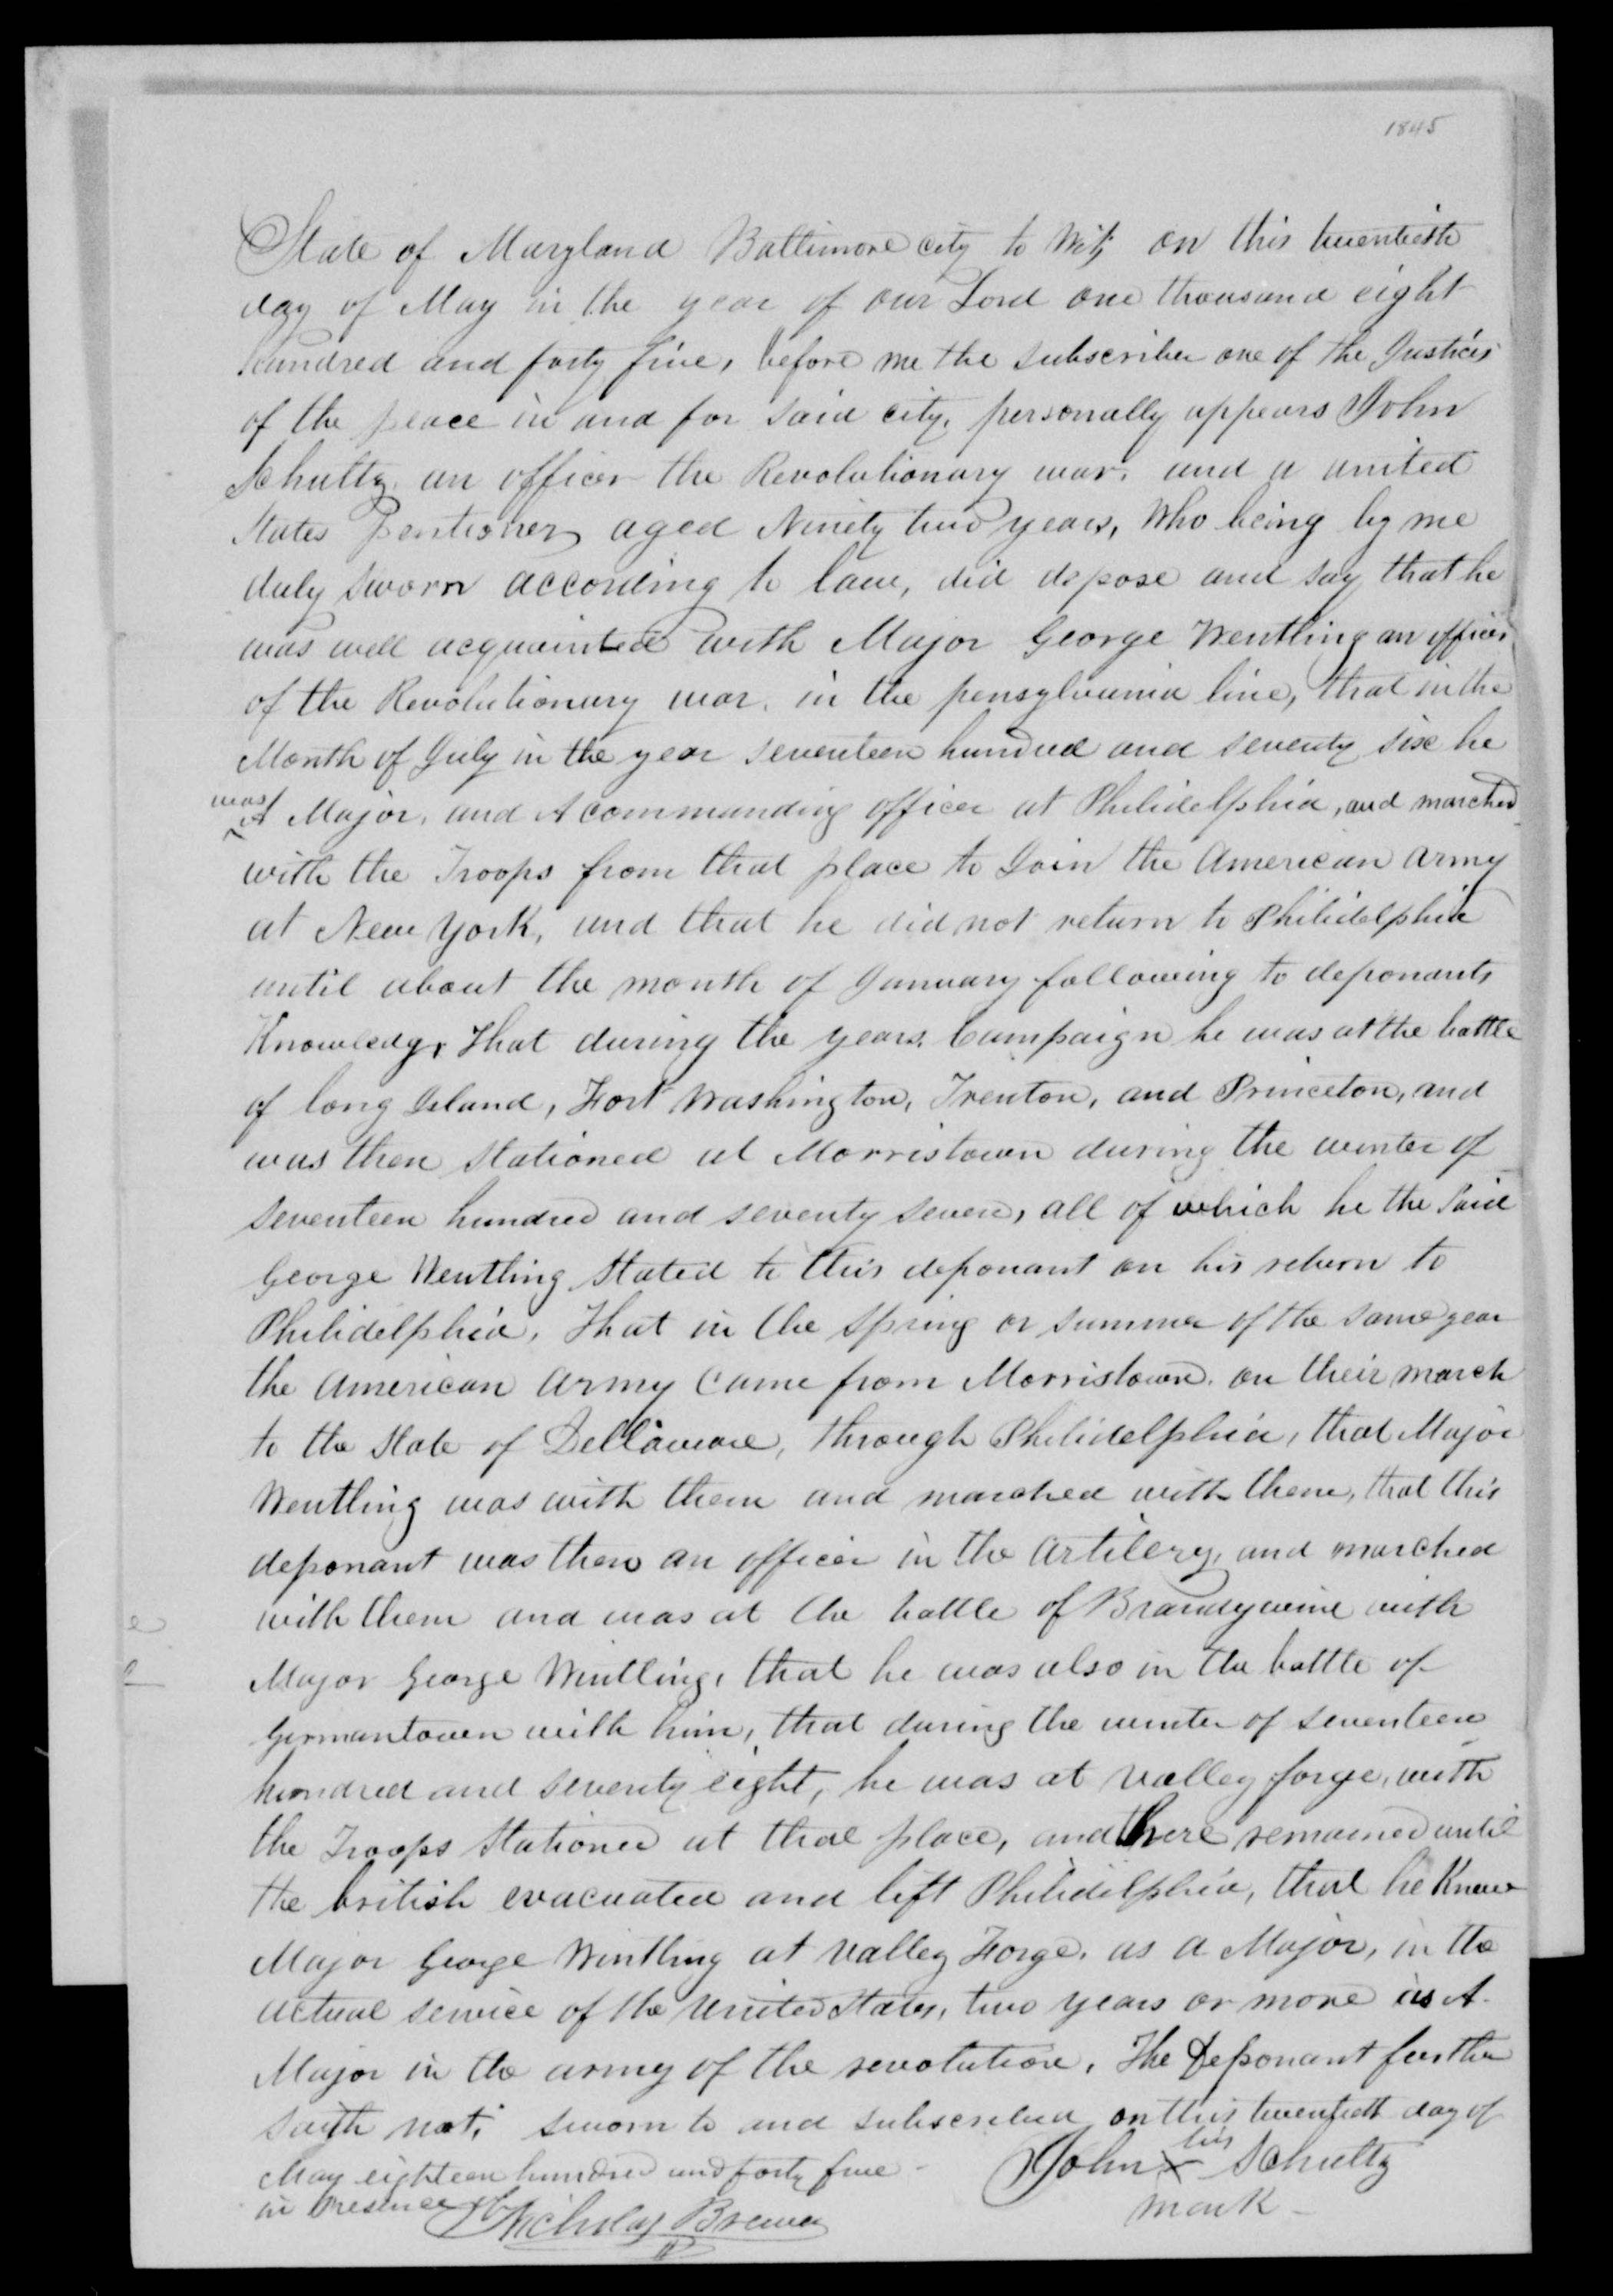18445

State of Maryland Baltimore City to with on this twentieth day of May in the year of our Lord one thousand eight hundred and forty-five, before me the subscriber one of the Justices of the peace in and for said city, personally appears John Schultz, an officer the Revolutionary war, and a United States Pensioner aged Ninety two years, who being by me duly sworn according to law, did depose and say that he was well acquainted with Major George Wentling an officer of the Revolutionary war, in the pensylivania line, that in the MOnth of July in the year seventeen hundred and seventy six he was a Major, and a commanding officer at Philidelphia, and marched with the Troops from the place to join the American Army at New York, and that he did not return to Philidelphia until about the month of January following to deponents knowledge that during the years, Campaign he was at the battle of long Island, Fort Washington, Trenton, and Princeton, and was then stationed at Morristown during the winter of seventeen hundred and seventy seven, all of which he the said George Wentley stated to this deponant on his return to Philidelphia, That in the spring or summer of the same year the American Army came from Morristown. on their march to the state of Dellaware, through Philidelphia, that Major Wentley was with them and marched with them, that this deponant was then an officer in the artillery, and marched with them and was at the battle of Brandywine with Major George Wentley, that he was also in the battle of Germantown with him, that during the winter of seventeen hundred and seventy eight, he was at valley forge, with the Troops Stationed at that place, and there remained until the british evacuated and left Philidelphia, that he knew Major George Wentley at valley forge, as a Major, in the actual service o fht eUnited States, two years or more as A Major in the army of the revolution.  The Deponant further saith not.  Sworn to and subscribed on this twentieth day of May eighteen hundred and forty five in measure of.
                           his
                   John     Schultz
                           mark
Nicholas Brewer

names: George Wentling, Nicholas Brewer, John Schultz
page: 38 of 68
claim: survivor's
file: S. 6,358, George Wentling, Penn.